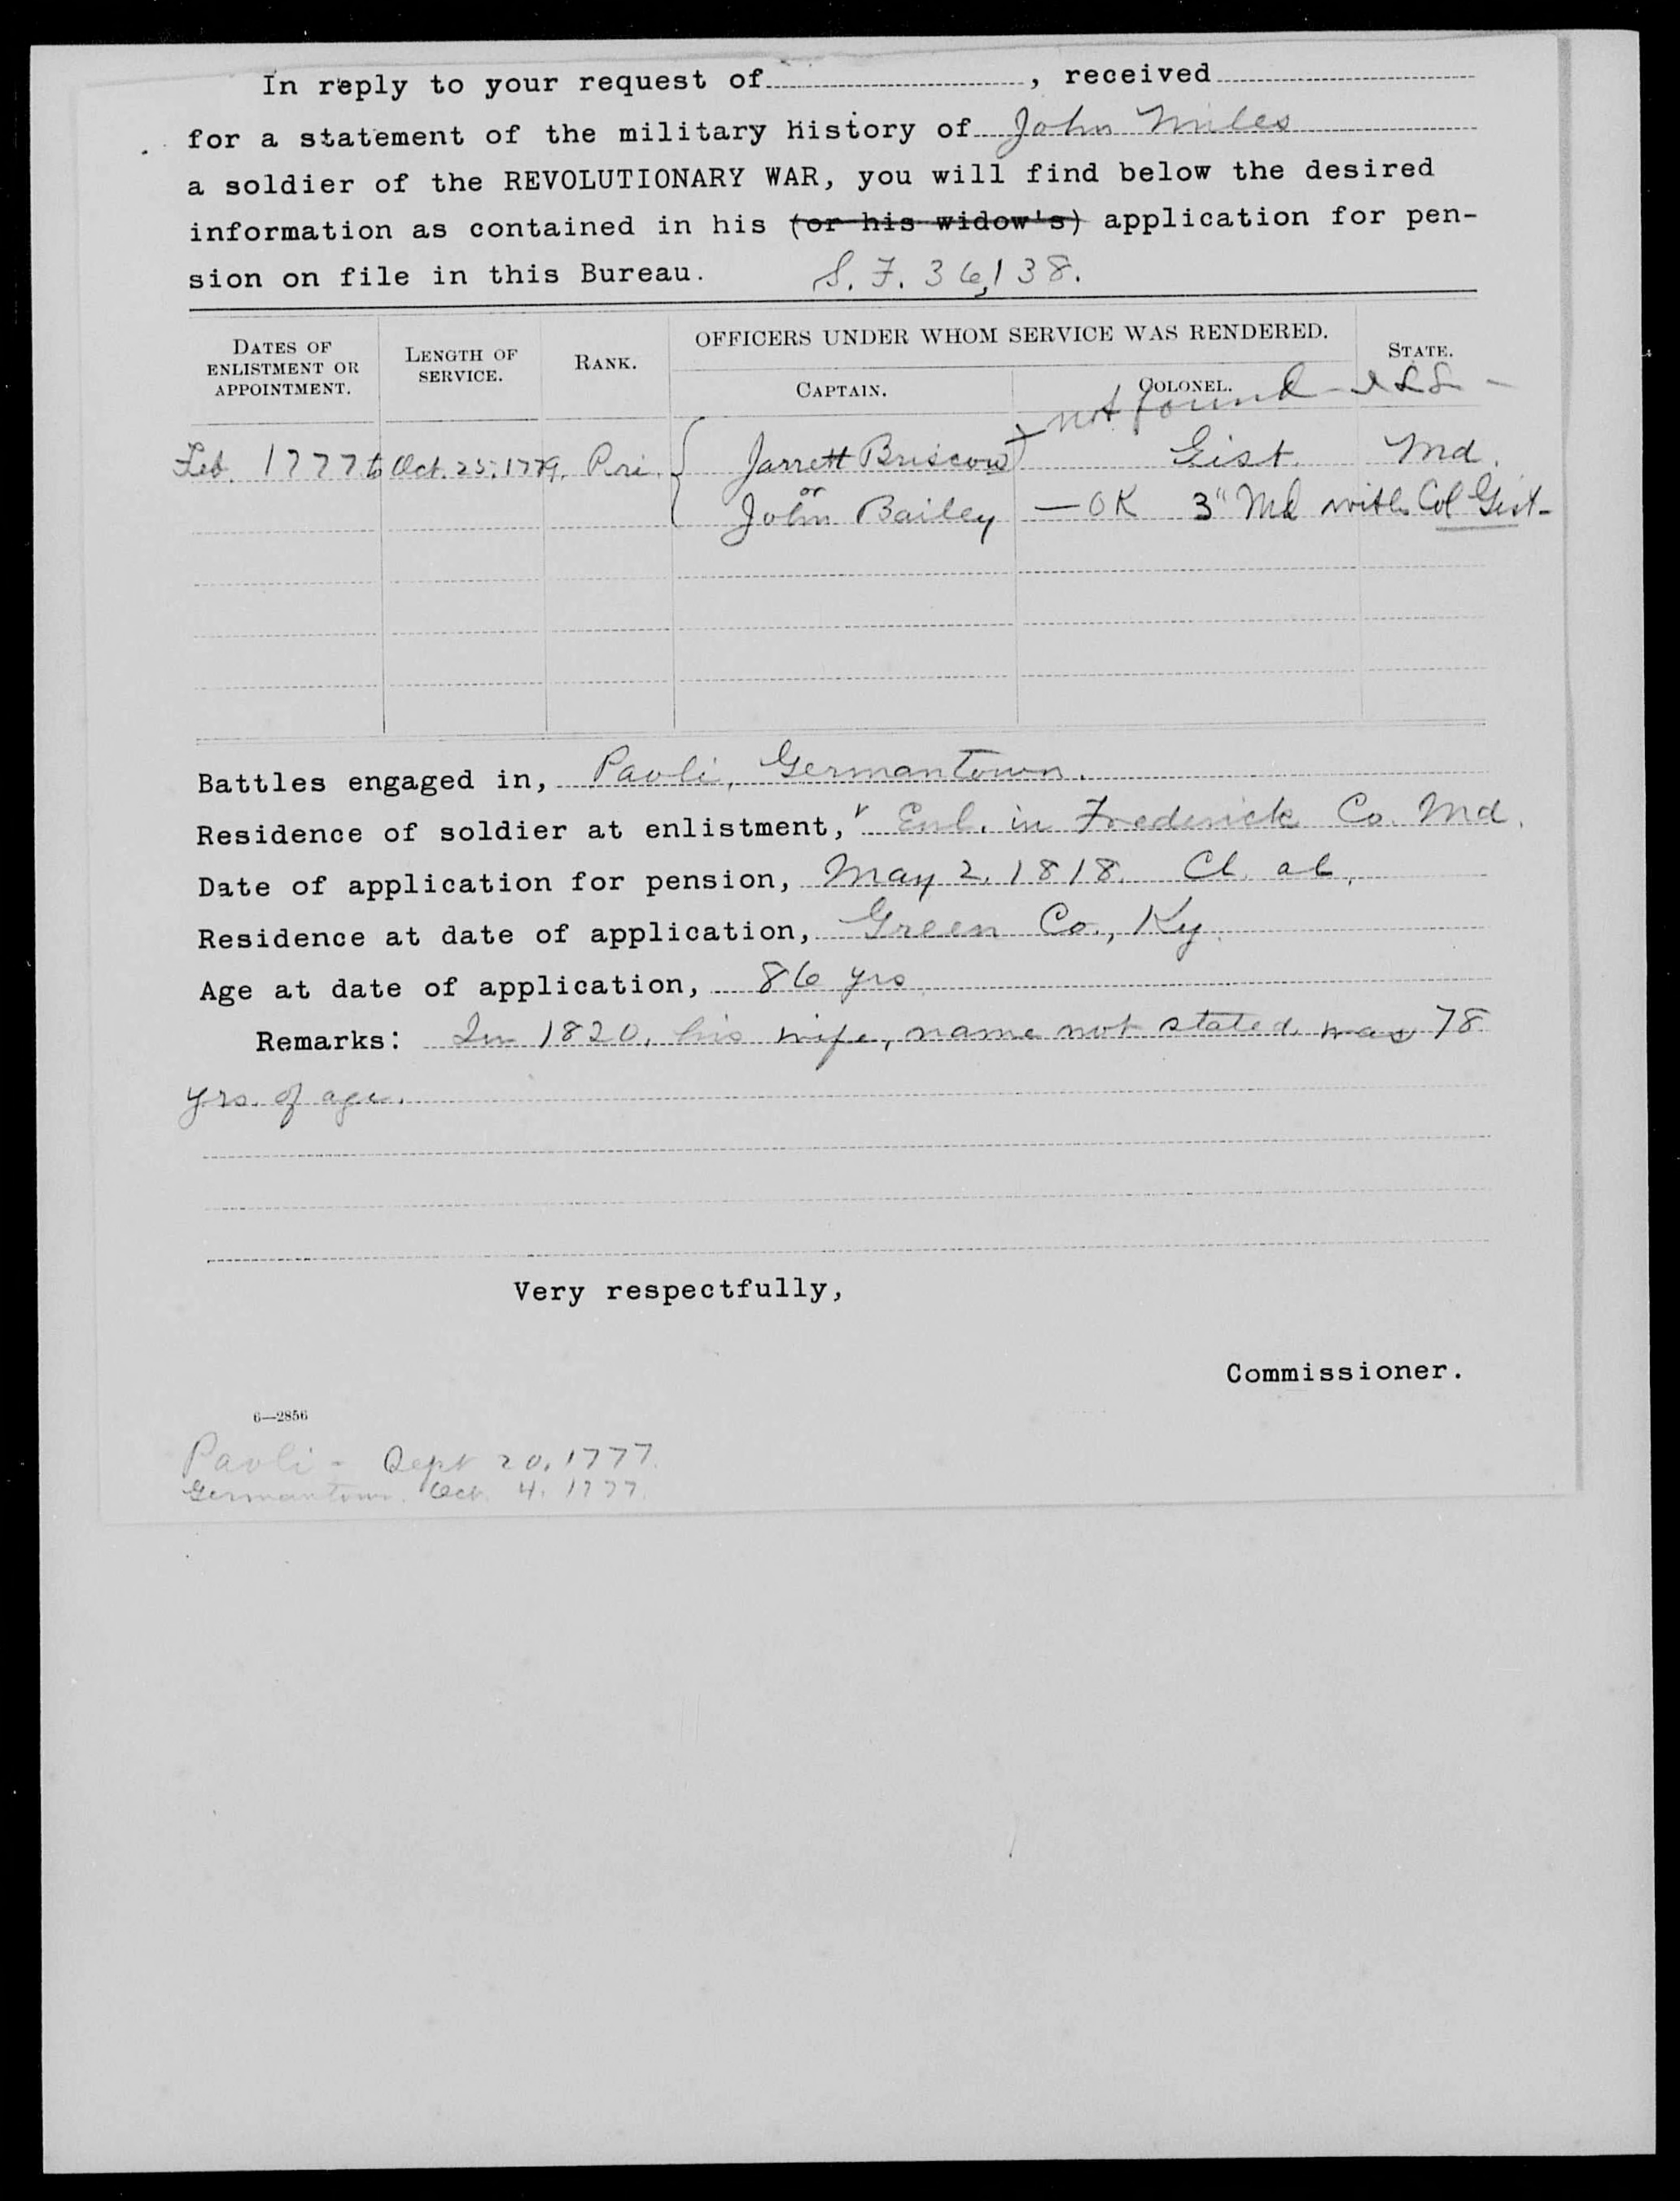In reply to you request of -------, received-----, for a statement of the military history of John Miles a soldier of the REVOLUTIONARY WAR, you will find below the desired information as contained in his (crossed out "or his widow's") application for pension on file in this Bureau(hand written - S.F.36138.)

Dates of Enlistment 
Feb 1777 
Length of Service
to Oct 25, 179
Officers Under Whom Service Was Rendered
Captain 
{Jarrett Briscow) - (not found ?)
or John Bailey
Colonel
Gist
State
Md
Colonel
-ok 3: Md with Col. Gist-

Battles engaged in, Paoli, Germantown
Residence of soldier at enlistment, Enl in Frederick Co. Md.
Date of application for pension May 2, 1818, Cl al
Resident at date of application, Green Co., Ky
Age at date of application, 86 yrs
Remarks: In 1820 his wife, name not stated was 78 yrs. of age.

Very respectfully

Commissioner

Paoli- Sept 20,1777
Germantown Oct 4, 1777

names: Jarrett Briscow; [BLANK] Gist; John Miles; John Bailey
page: 18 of 24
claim: survivor's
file: S 36138, for John Miles, Maryland